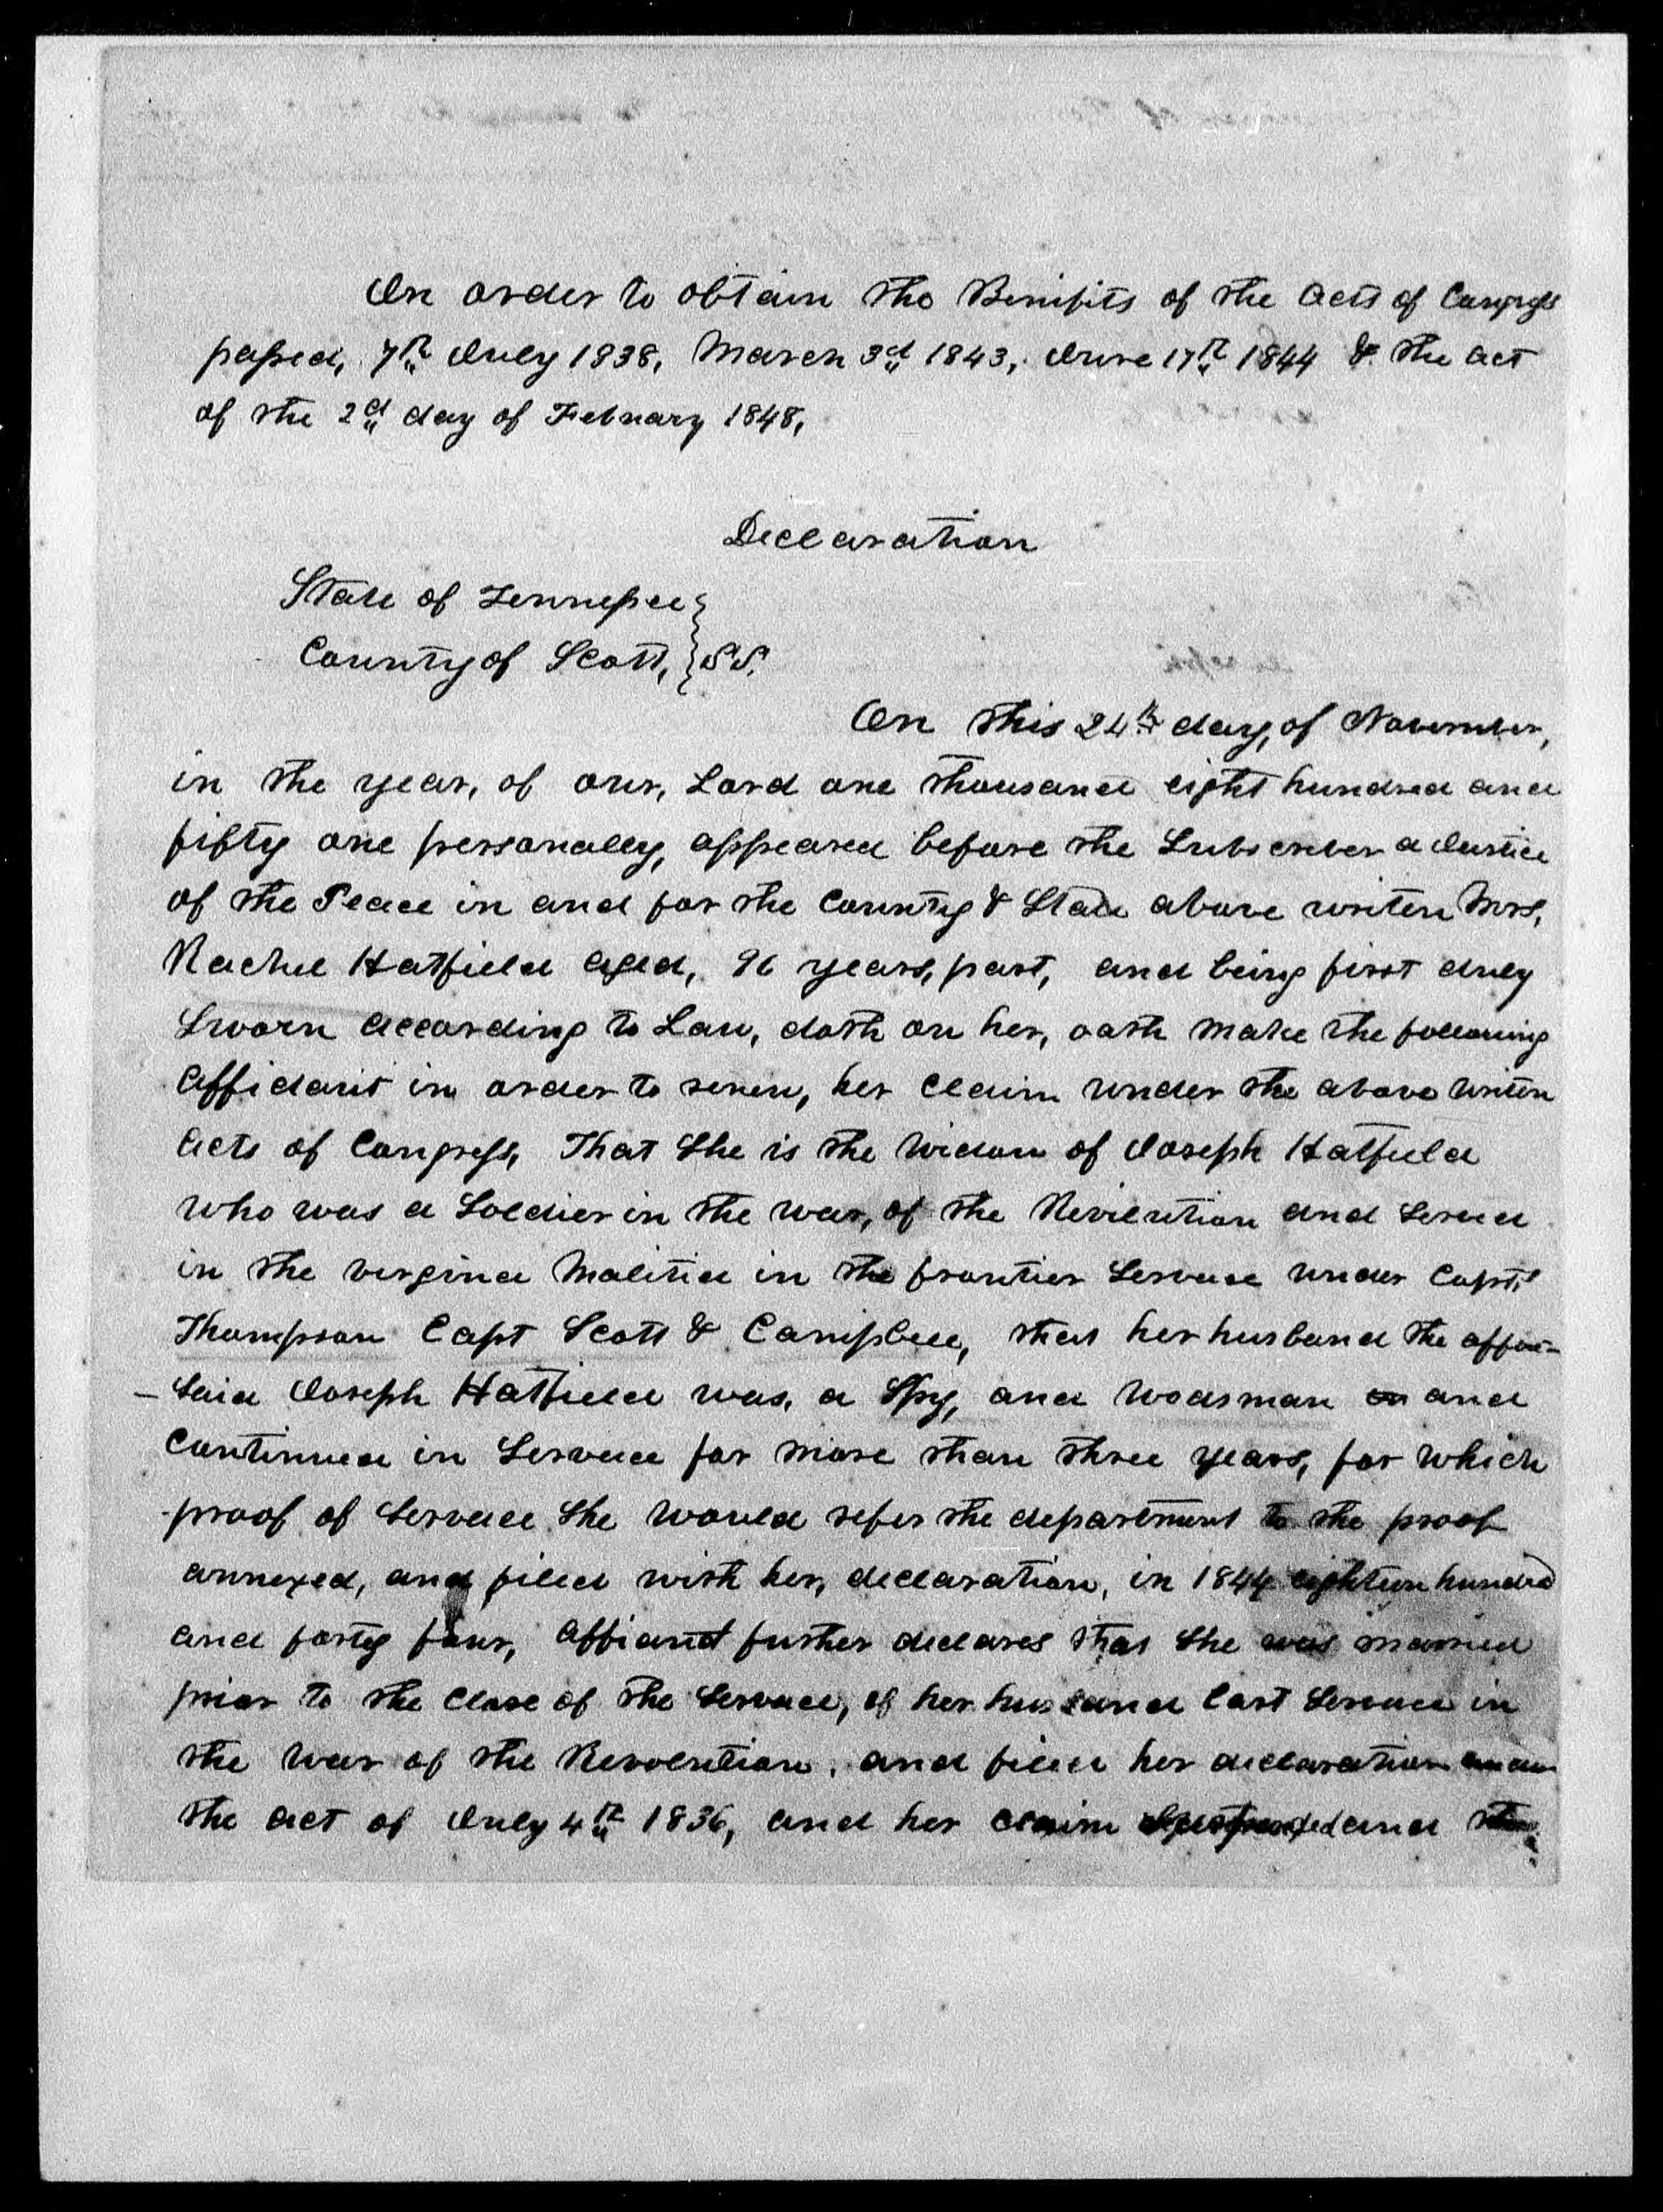In order to obtain the Benefits of the Acts of Congress passed, 7th July 1838, March 3d 1843, June 17th 1844 & the Act of the 2d day of February 1848,
Declaration
State of Tennessee
County of Scott,} SS.
On this 24th day, of November,
in the year, of our, Lord one thousand eight hundred and fifty one personally appeared before the Subscriber a justice of the Peace in and for the County & State above written Mrs. Rachel Hatfield aged 96 years, past, and being first duly Sworn according to Law, doth on her, oath make the following Affidavit in order to renew, her Claim under the above written Acts of Congress, That she is the widow of Joseph Hatfield who was a Soldier in the war, of the Revolution and served in the Virginia Malitia in the frontier Service under Capts Thompson Capt Scott & Campbell, that her husband the aforesaid Joseph Hatfield was a Spy, and Woodsman and Continued in Service for more than three years, for which proof of service she would refer the department to the proof annexed, and filed with her, declaration in 1844 eighteen hundred and forty four, Affiant further declares that she was married prior to the close of the Service, of her husband last service in the War of the Revolution, and filed her declaration under the Act of July 4th 1836, and her claim suspended and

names: Rachel Hatfield, Thompson, Joseph Hatfield, Joseph Hatfield, Scott, Campbell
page: 67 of 74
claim: widow's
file: W. 5, Joseph Hatfield, Va.